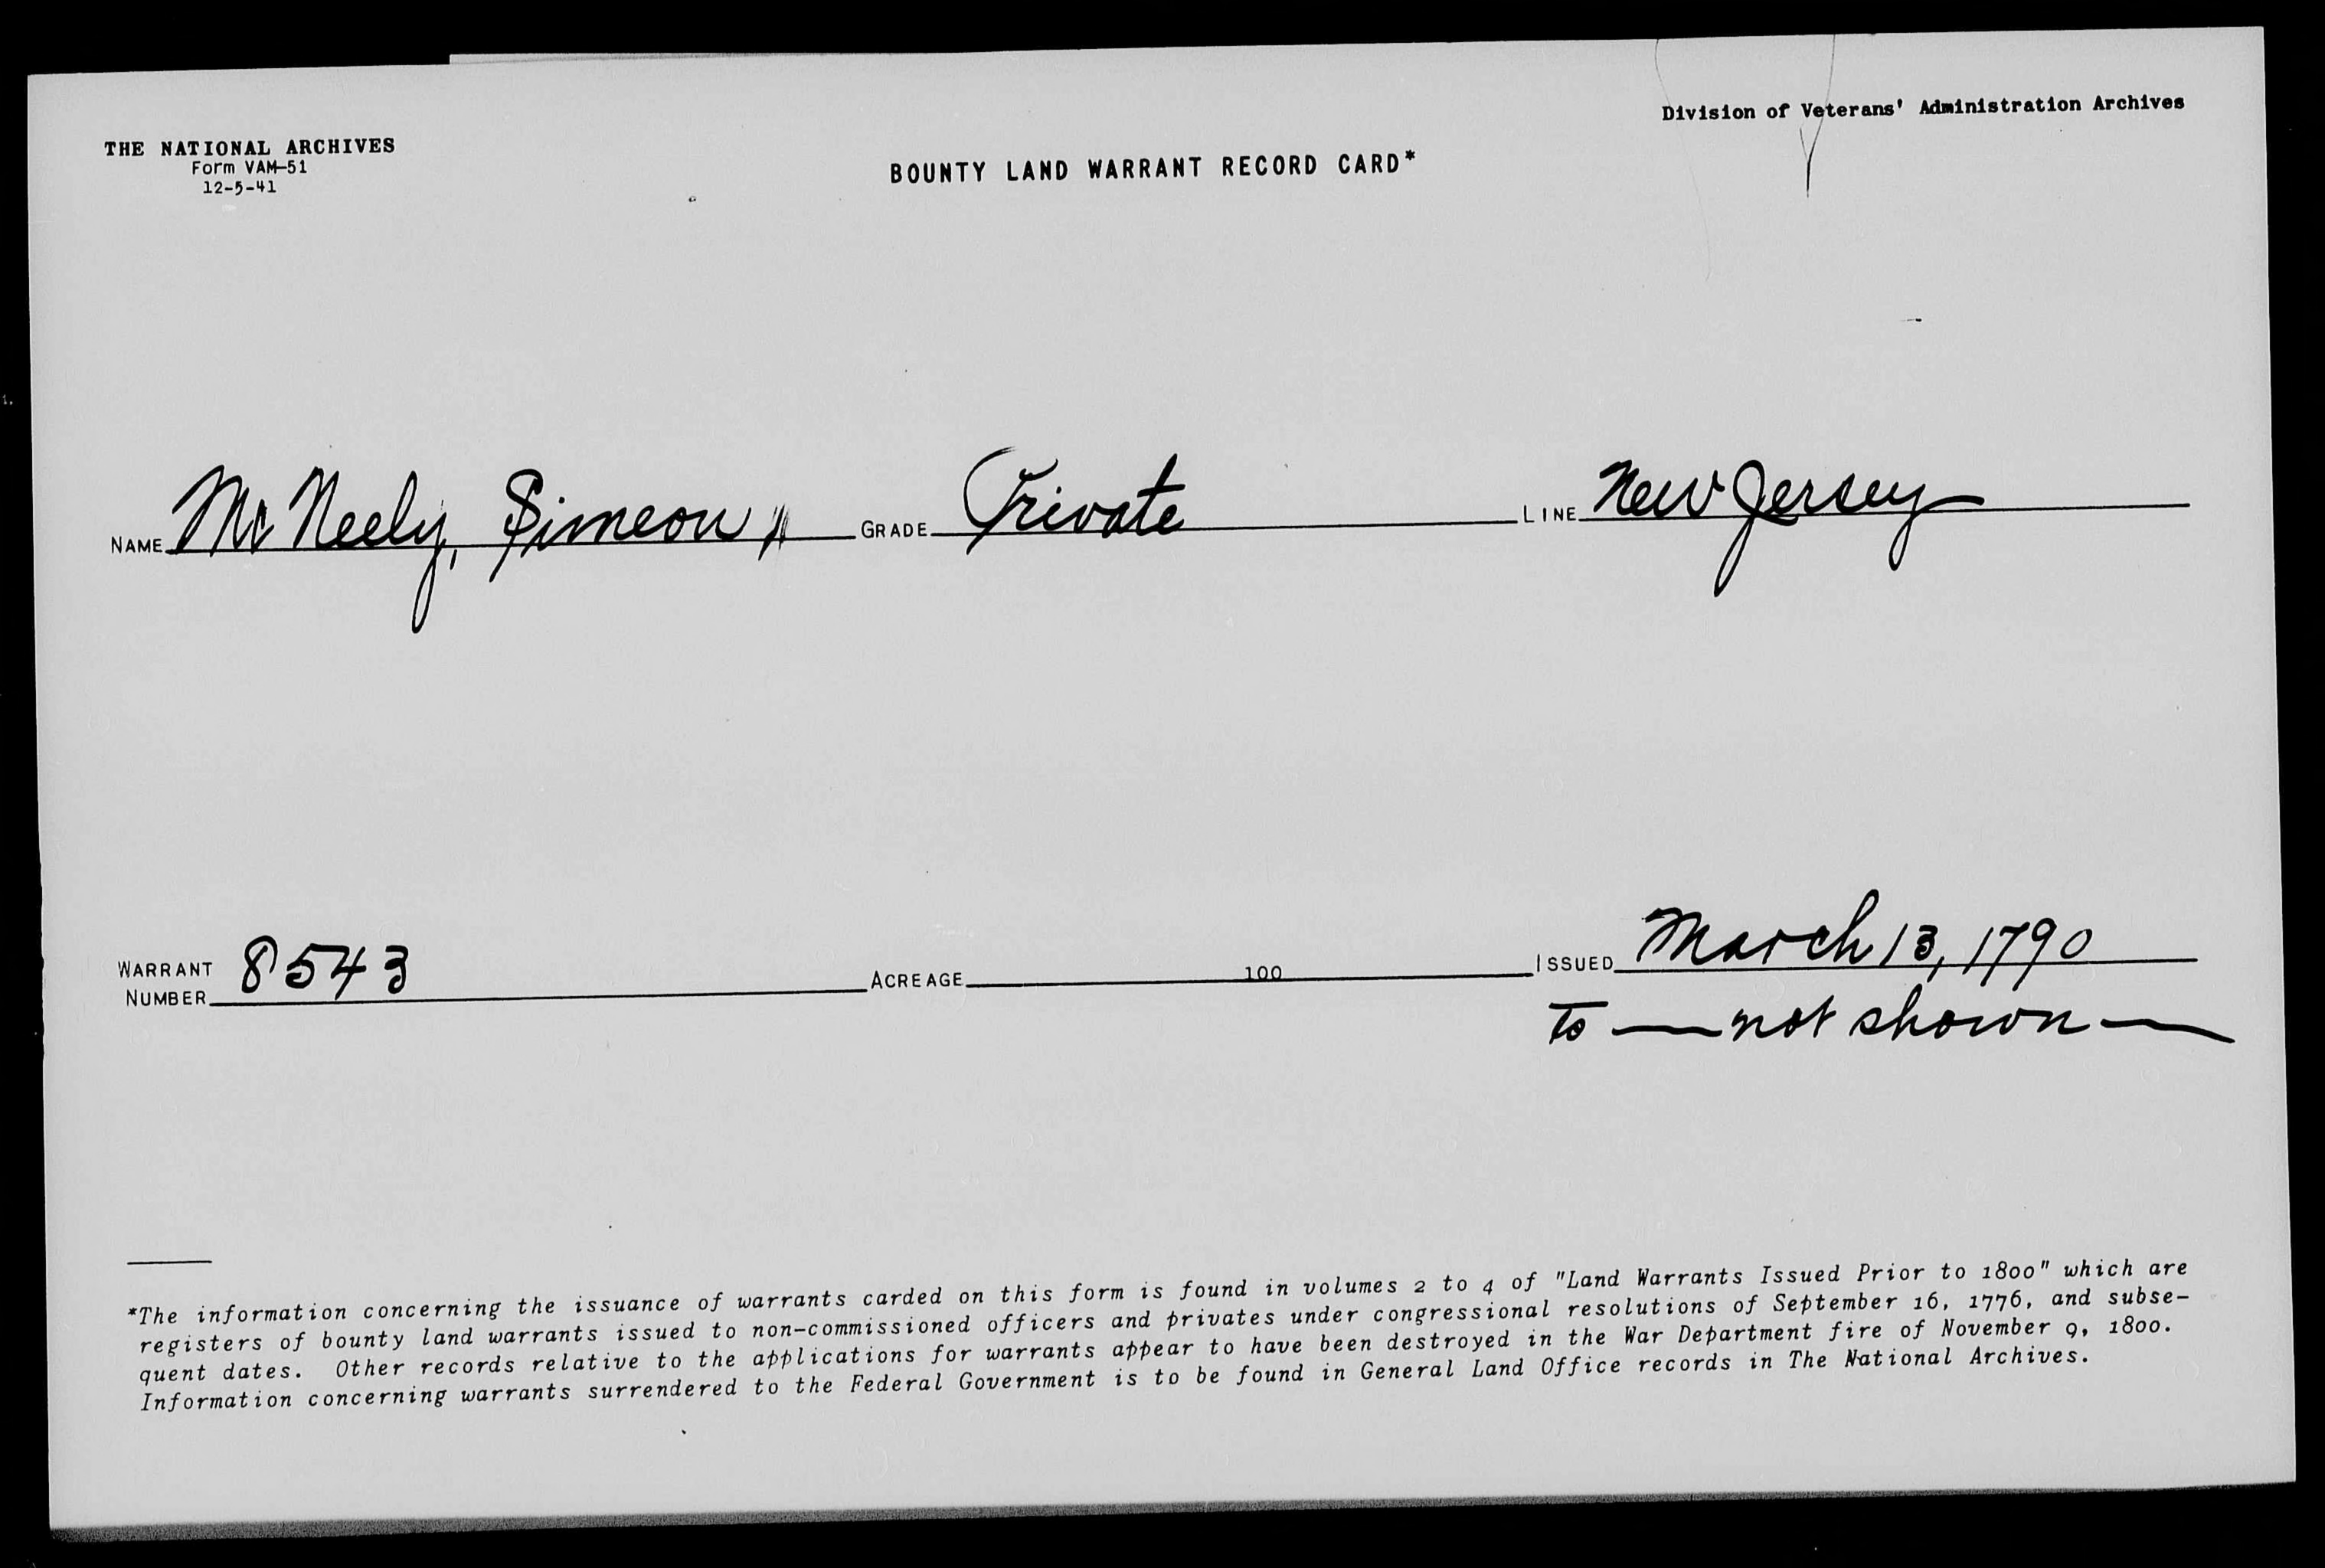THE NATIONAL ARCHIVES
Form VAM-51
12 - 5 - 41

BOUNTY LAND WARRANT RECORD CARD*
Division of Veterans' Administration Archives

NAME McNeely, Simeon  
GRADE Private
LINE New Jersey
WARRANT NUMBER 8543
ACREAGE 100
ISSUED March 13, 1790
to - not shown-


The information concerning the issuance of warrants carded on this form is found in volumes 2 to 4 of ""Land Warrants issued prior to 1800” which are
registers of bounty land warrants issued to non-comissioned officers and privates under congressional resolutions of September 16, 1776, and subsequent
dates. Other records relative to the applications for warrants appear to have been destroyed in the War Department fire of November 9, 1800.
Information concerning warrants surrendered to the Federal Government is to be found in General Land Office records in The National Archives.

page: 13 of 13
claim: rejected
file: R. 6801, for Robert Mc Neely, Pennsylvania